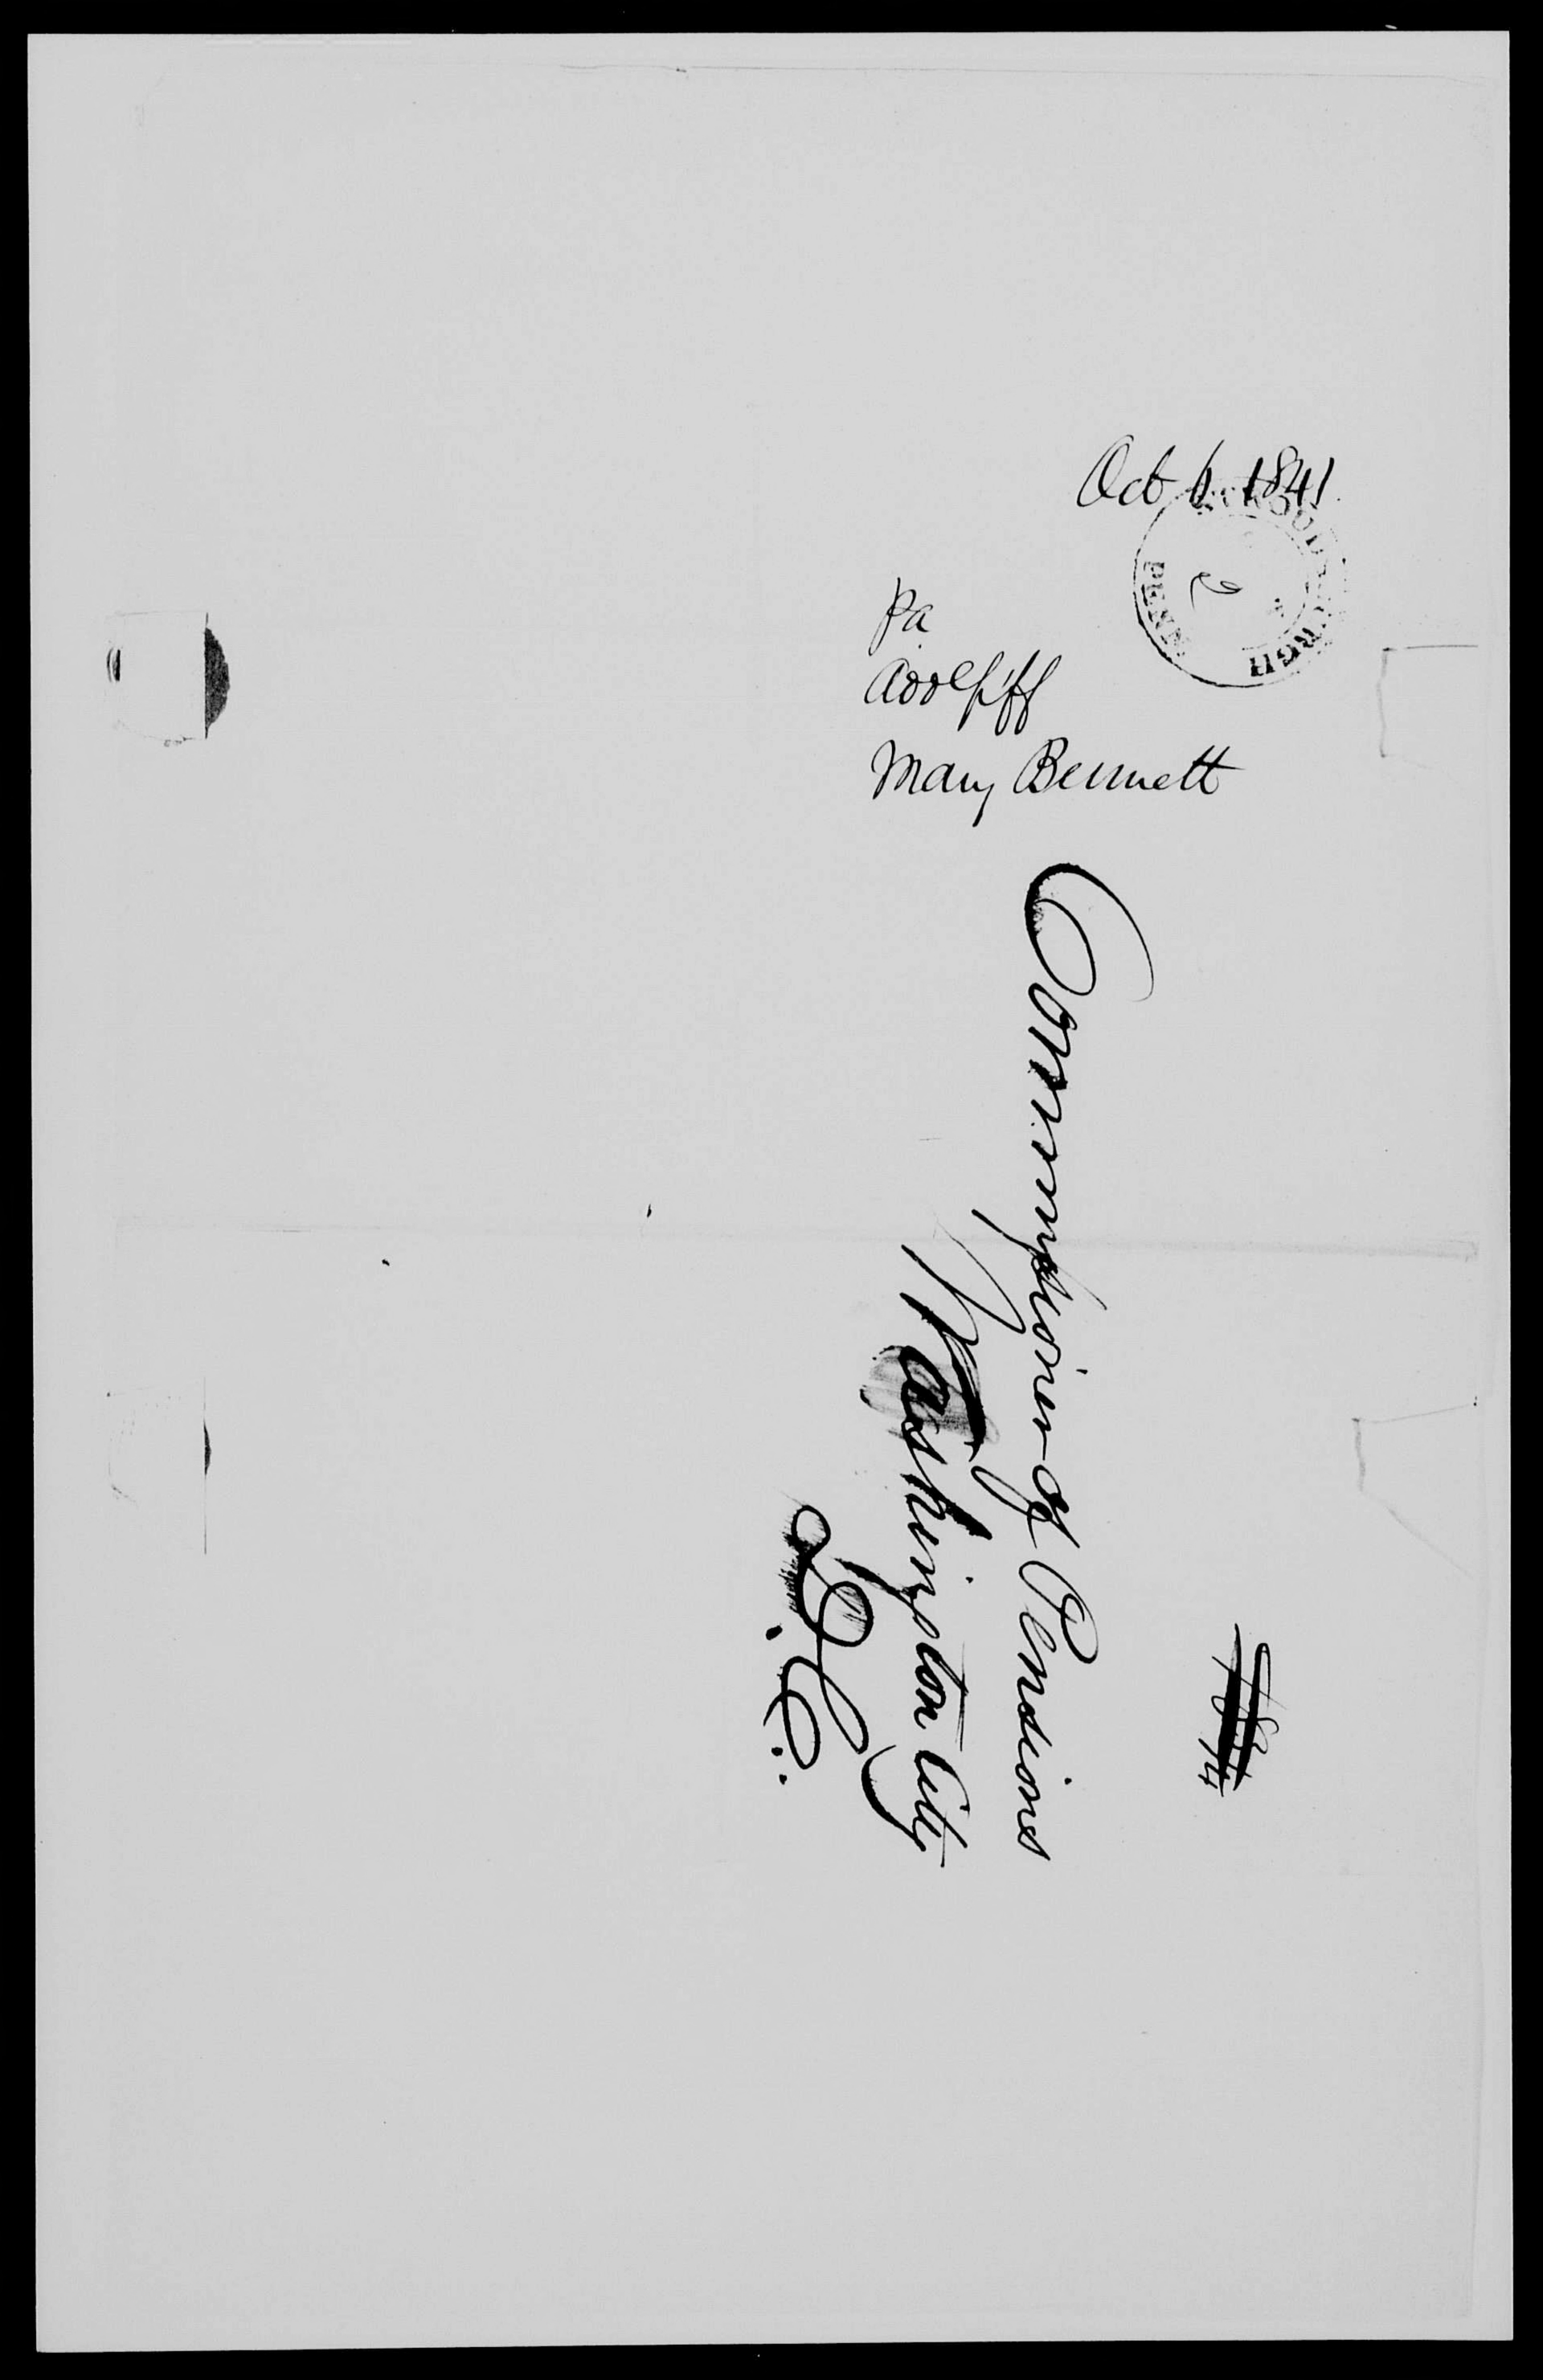Oct 6 1841
Stroudsburg Penn
Pa
Aooepff
Mary Bennett
Commissioner of Pensions
Washington
D.C.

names: Mary Bennett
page: 63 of 79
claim: widow's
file: W. 2,906, Stephen Bennet, Conn.